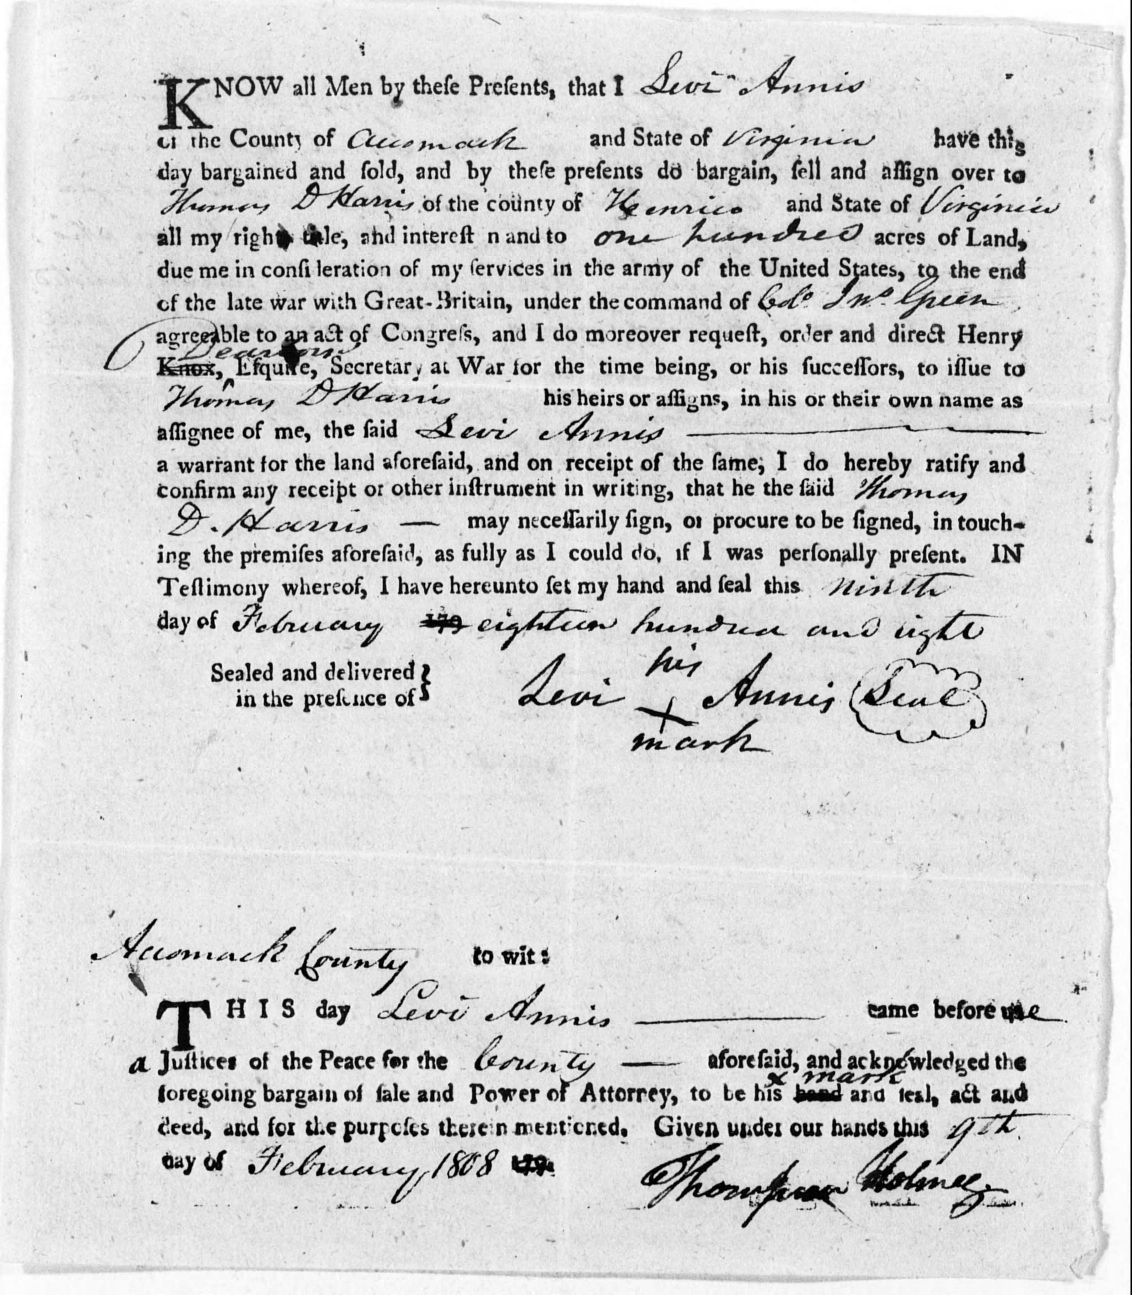KNOW all Men by these Presents, that Levi Annis of the County of Accomack and State of Virginia have this day bargained and sold, and by these presents do bargain, sell and assign over to Thomas D Harris of the county of Henrico and State of Virginia all my right tale, and interest n and to one hundred acres of Land, due me in consideration of my Services in the army of the United States, to the end of the late war with Great-Britain, under the command of Colo. Jno. Green agreeable to an act of Congress, and I do moreover request, order and direct Henry Dearborn, Secretary at War for the time being, or his successors, to issue to Thomas D Harris his heirs or assigns, in his or their own name as assignee of me, the said Levi Annis - a warrant for the land aforesaid, and on receipt of the same, I do hereby ratify and confirm any receipt or other instrument in writing, that the said Thomas D. Harris - may necessarily sign, or procure to be signed, in touching the premises aforesaid, as fully as I could do, if I was personally present. IN Testimony whereof, I have hereunto set my hand and seal this ninth day of February eighteen hundred and eight
Sealed and delivered} Levi Annis {seal}
in the presence of} x his mark

Accomack County to wit:
T H I S day Levi Annis - came before me a Justice of the Peace for the County - aforesaid, and acknowledged the foregoing bargain of sale and Power of Attorney, to be his x mark and seal, act and deed, and for the purposes therein mentioned. Given under our hands this 9th day of February 1808
Thompson Holmes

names: Thomas D Harris, Thomas D Harris, Henry Dearborn, Thompson Holmes, Levi Annis, Levi Annis, Levi Annis, Levi Annis, Thomas D Harris, Jno Green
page: 18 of 27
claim: widow's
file: W 5624, Levi Annis, Va. Va. Sea Service